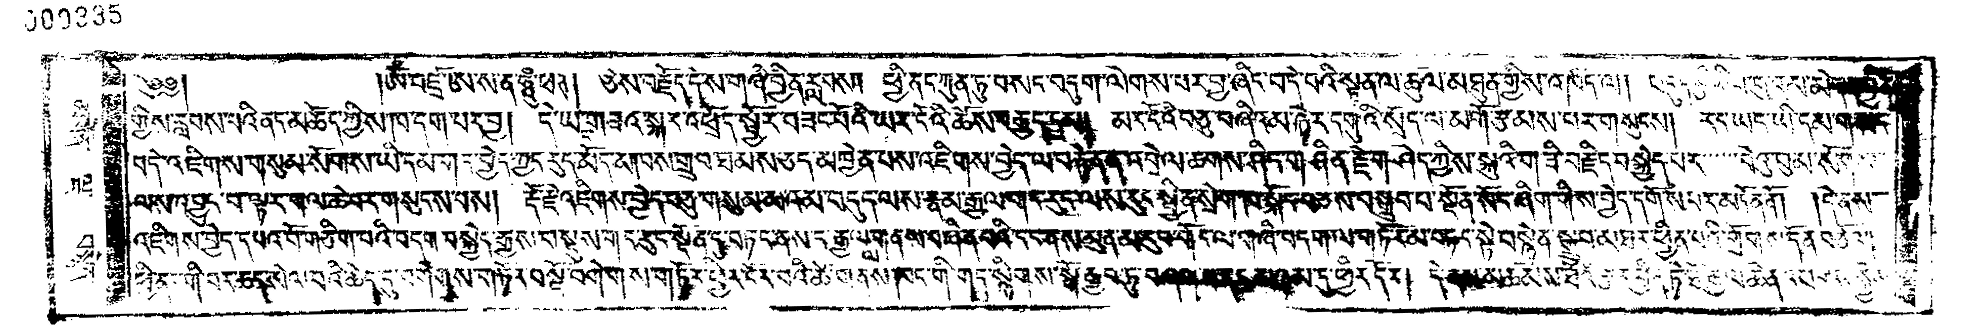༄༅། །ཨོཾ་བཛྲ་ཨ་ས་ན་ཧཱུཾ་ཕཊ། ཅེས་བརྗོད་དེ་ས་གཞི་བྱིན་རླབས། ཕྱི་ནང་ཀུན་ཏུ་བསང་བདུག་ལེགས་པར་བྱ་ཞིང་བདེ་བའི་སྟན་ལ་ཚུལ་མཐུན་གྱིས་འཁོད་ལ། བདུད་རྩི་རིལ་བུ་འམ་མེད་ན་བྱིན་
གྱིས་རླབས་པའི་ནང་མཆོད་ཀྱིས་ཁ་དག་པར་བྱ། དེ་ཡང་གཟའ་སྐར་འཕྲོད་སྦྱོར་བཟང་པོའི་ཡར་ངོའི་ཆོས་བརྒྱད་དམ། མར་ངོའི་བཅུ་བཞིའམ་ཉེར་དགུའི་སྲོད་ལ་མགོ་རྩམས་པར་གསུངས། རང་ཡང་ཡི་དམ་གསང་
བདེ་འཇིགས་གསུམ་སོགས་ཡི་དམ་གང་བྱེད་ཀྱང་རུད་མོད་མཁས་གྲུབ་ཐམས་ཅད་མཁྱེན་པས་འཇིགས་བྱེད་ལ་བརྟེན་ན་འབྲེལ་ཆགས་ཤིང་གཤིན་རྗེ་གཤེད་ཀྱིས་སྐུའི་གཟི་བརྗིད་བསྐྱེད་པར་བེའུ་བུམ་སོགས་
ལས་འབྱུང་བ་ལྟར་གལ་ཆེ་བར་གསུངས་པས། རྡོ་རྗེ་འཇིགས་བྱེད་བཅུ་གསུམ་མའམ་བདུད་ལས་རྣམ་རྒྱལ་གང་རུང་ལས་རུང་སྦྱིན་སྲེག་ཁ་སྐོང་བཅས་བསྒྲུབ་པ་སྔོན་སོང་ཞིག་གིས་བྱེད་དགོས་པར་མངོན་ནོ། །དེ་ནས་
འཇིགས་བྱེད་དཔའ་བོ་གཅིག་པའི་བདག་བསྐྱེད་རྒྱས་བསྡུས་གང་རུང་སྔོན་དུ་བཏང་ནས་ང་རྒྱལ་ལ་གནས་བཞིན་པའི་ངང་ནས་མུན་མ་རུབ་གོང་ལ་གཞི་བདག་ལ་གཏོར་མ་བཏང་སྟེ་བསྙེན་སྒྲུབ་མཐར་ཕྱིན་པའི་གྲོགས་དོན་བཅོལ།
ཕྱི་ནང་གི་བར་ཆད་སེལ་བའི་ཆེད་དུ་བགེགས་གཏོར་བསྔོ་བགེགས་གཏོར་ཕྱིར་དོར་བའི་ཚེ་གནས་ཁང་གི་གད་སྙིགས་སྒོ་རྒྱབ་ཏུ་བཞག་པ་དང་མཉམ་དུ་ཕྱིར་དོར། དེ་ནས་མཚམས་ཐོའི་རྩར་ཕྱིན་ཏེ་ཐོ་རྒྱལ་ཆེན་འཕགས་སྐྱེས་